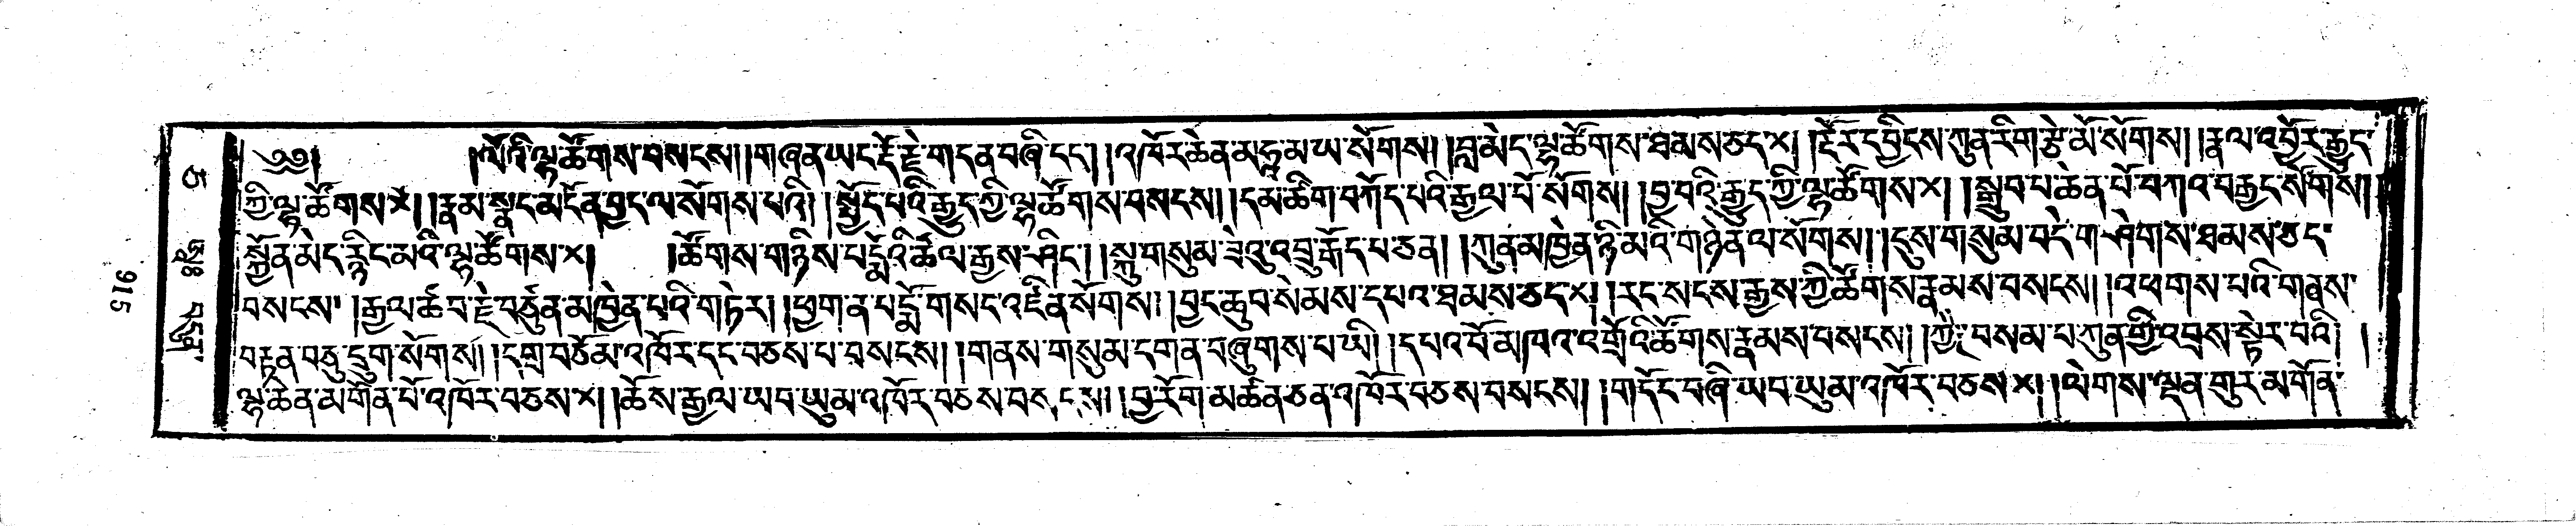༄༅། །ལོའི་ལྷ་ཚོགས་བསངས། །གཞན་ཡང་རྡོ་རྗེ་གདན་བཞི་དང་། །འཁོར་ཆེན་མ་ཧཱ་མ་ཡ་སོགས། །བླ་མེད་ལྷ་ཚོགས་ཐམས་ཅད་྾། །རྡོར་དབྱིངས་ཀུན་རིག་རྩེ་མོ་སོགས། །རྣལ་འབྱོར་རྒྱུད་
ཀྱི་ལྷ་ཚོགས་྾། །རྣམ་སྣང་མངོན་བྱང་ལ་སོགས་པའི། །སྤྱོད་པའི་རྒྱུད་ཀྱི་ལྷ་ཚོགས་བསངས། །དམ་ཚིག་བཀོད་པའི་རྒྱལ་པོ་སོགས། །བྱ་བའི་རྒྱུད་ཀྱི་ལྷ་ཚོགས་྾། །སྒྲུབ་པ་ཆེན་པོ་བཀའ་བརྒྱད་སོགས།།
སྐྱོན་མེད་རྙིང་མའི་ལྷ་ཚོགས་྾། །ཚོགས་གཉིས་པདམོའི་ཚལ་རྒྱས་ཤིང་། །སྐུ་གསུམ་ཟེའུ་འབྲུ་རྒོད་པ་ཅན། །ཀུན་མཁྱེན་ཉི་མའི་གཉེན་ལ་སོགས། །དུས་གསུམ་བདེ་གཤེགས་ཐམས་ཅད་
བསངས། །རྒྱལ་ཚབ་རྗེ་བཙུན་མཁྱེན་པའི་གཏེར། །ཕྱག་ན་པདམོ་གསང་འཛིན་སོགས། །བྱང་ཆུབ་སེམས་དཔའ་ཐམས་ཅད་྾། །རང་སངས་རྒྱས་ཀྱི་ཚོགས་རྣམས་བསངས། །འཕགས་པའི་གནས་
བརྟན་བཅུ་དྲུག་སོགས། །དགྲ་བཅོམ་འཁོར་དང་བཅས་པ་བསངས། །གནས་གསུམ་དག་ན་བཞུགས་པ་ཡི། །དཔའ་བོ་མཁའ་འགྲོའི་ཚོགས་རྣམས་བསངས། །ཀྱཻ༑ བསམ་པ་ཀུན་གྱི་འབྲས་སྟེར་བའི། །
ལྷ་ཆེན་མགོན་པོ་འཁོར་བཅས་྾། །ཆོས་རྒྱལ་ཡབ་ཡུམ་འཁོར་བཅས་བསངས། །བྱ་རོག་མཚན་ཅན་འཁོར་བཅས་བསངས། །གདོང་བཞི་ཡབ་ཡུམ་འཁོར་བཅས་྾། །ལེགས་ལྡན་གུར་མགོན་